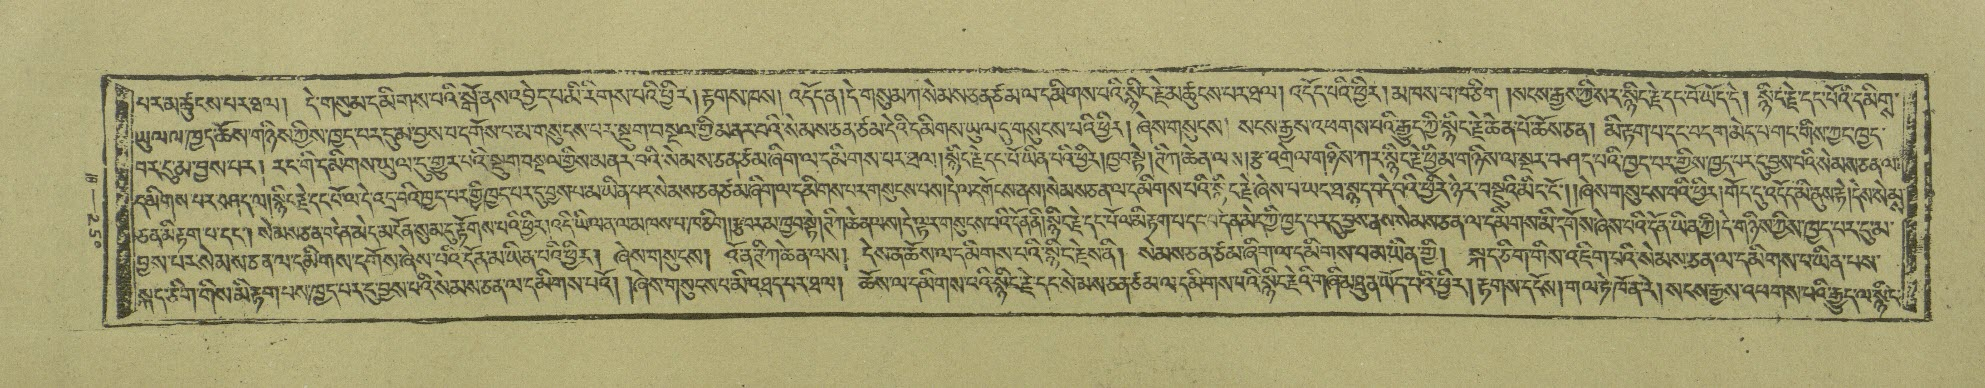བར་མཚུངས་པར་ཐལ། དེ་གསུམ་དམིགས་པའི་སྒོ་ནས་འབྱེད་པ་མི་རིགས་པའི་ཕྱིར། རྟགས་ཁས། འདོད་ན། དེ་གསུམ་ཀ་སེམས་ཅན་ཙམ་ལ་དམིགས་པའི་སྙིང་རྗེ་མཚུངས་པར་ཐལ། འདོད་པའི་ཕྱིར། མཁས་པ་ཁ་ཅིག །སངས་རྒྱས་ཀྱི་སར་སྙིང་རྗེ་དང་པོ་ཡོད་དེ། སྙིང་རྗེ་དང་པོའི་དམིགས་
ཡུལ་ལ་ཁྱད་ཆོས་གཉིས་ཀྱིས་ཁྱད་པར་དུ་མ་བྱས་པ་དགོས་པ་མ་གསུངས་པར་སྡུག་བསྔལ་གྱི་མནར་བའི་སེམས་ཅན་ཙམ་དེའི་དམིགས་ཡུལ་དུ་གསུངས་པའི་ཕྱིར། ཞེས་གསུངས། སངས་རྒྱས་འཕགས་པའི་རྒྱུད་ཀྱི་སྙིང་རྗེ་ཆེན་པོ་ཆོས་ཅན། མི་རྟག་པ་དང་བདག་མེད་པ་གང་གིས་ཀྱང་ཁྱད་
པར་དུ་མ་བྱས་པར། རང་གི་དམིགས་ཡུལ་དུ་གྱུར་པའི་སྡུག་བསྔལ་གྱིས་མནར་བའི་སེམས་ཅན་ཙམ་ཞིག་ལ་དམིགས་པར་ཐལ། སྙིང་རྗེ་དང་པོ་ཡིན་པའི་ཕྱིར། ཁྱབ་སྟེ། ཊིཀ་ཆེན་ལས། རྩ་འགྲེལ་གཉིས་ཀར་སྙིང་རྗེ་ཕྱི་མ་གཉིས་ལ་སྔར་བཤད་པའི་ཁྱད་པར་གྱིས་ཁྱད་པར་དུ་བྱས་པའི་སེམས་ཅན་ལ་
དམིགས་པར་བཤད་ལ། སྙིང་རྗེ་དང་པོ་ལ་དེ་འདྲ་བའི་ཁྱད་པར་གྱི་ཁྱད་པར་དུ་བྱས་པ་མ་ཡིན་པར་སེམས་ཅན་ཙམ་ཞིག་ལ་དམིགས་པར་གསུངས་པས། དེ་ལ་དགོངས་ནས། སེམས་ཅན་ལ་དམིགས་པའི་སྙིང་རྗེ་ཞེས་པ་ཡང་ཐ་སྙད་བདེ་བའི་ཕྱིར་ཉེར་བསྡུའི་མིང་ངོ། །ཞེས་གསུངས་པའི་ཕྱིར། གོང་དུ་འདོད་མི་ནུས་རྟེ། དེས་སེམས་
ཅན་མི་རྟག་པ་དང་། སེམས་ཅན་བདེན་མེད་མངོན་སུམ་དུ་རྟོགས་པའི་ཕྱིར། འདི་ཡི་ལན་ལ་མཁས་པ་ཁ་ཅིག །རྩ་བར་མ་ཁྱབ་སྟེ། ཊིཀ་ཆེན་ལས། དེ་ལྟར་གསུངས་པའི་དོན་ནི། །སྙིང་རྗེ་དང་པོ་ལ་མི་རྟག་པ་དང་བདེན་མེད་ཀྱི་ཁྱད་པར་དུ་བྱས་ནས་སེམས་ཅན་ལ་དམིགས་མི་དགོས་ཞེས་པའི་དོན་ཡིན་གྱི། དེ་གཉིས་ཀྱིས་ཁྱད་པར་དུ་མ་
བྱས་པར་སེམས་ཅན་ལ་དམིགས་དགོས་ཞེས་པའི་དོན་མ་ཡིན་པའི་ཕྱིར། ཞེས་གསུངས། འོ་ན་ཊིཀ་ཆེན་ལས། དེས་ན་ཆོས་ལ་དམིགས་པའི་སྙིང་རྗེས་ནི། སེམས་ཅན་ཙམ་ཞིག་ལ་དམིགས་པ་མ་ཡིན་གྱི། སྐད་ཅིག་གིས་འཇིག་པའི་སེམས་ཅན་ལ་དམིགས་པ་ཡིན་པས་
སྐད་ཅིག་གིས་མི་རྟག་པས་ཁྱད་པར་དུ་བྱས་པའི་སེམས་ཅན་ལ་དམིགས་པའོ། །ཞེས་གསུངས་པ་མི་འཐད་པར་ཐལ། ཆོས་ལ་དམིགས་པའི་སྙིང་རྗེ་དང་སེམས་ཅན་ཙམ་ལ་དམིགས་པའི་སྙིང་རྗེའི་གཞི་མཐུན་ཡོད་པའི་ཕྱིར། རྟགས་དངོས། གལ་ཏེ་ཁོ་ན་རེ། སངས་རྒྱས་འཕགས་པའི་རྒྱུད་ལ་སྙིང་